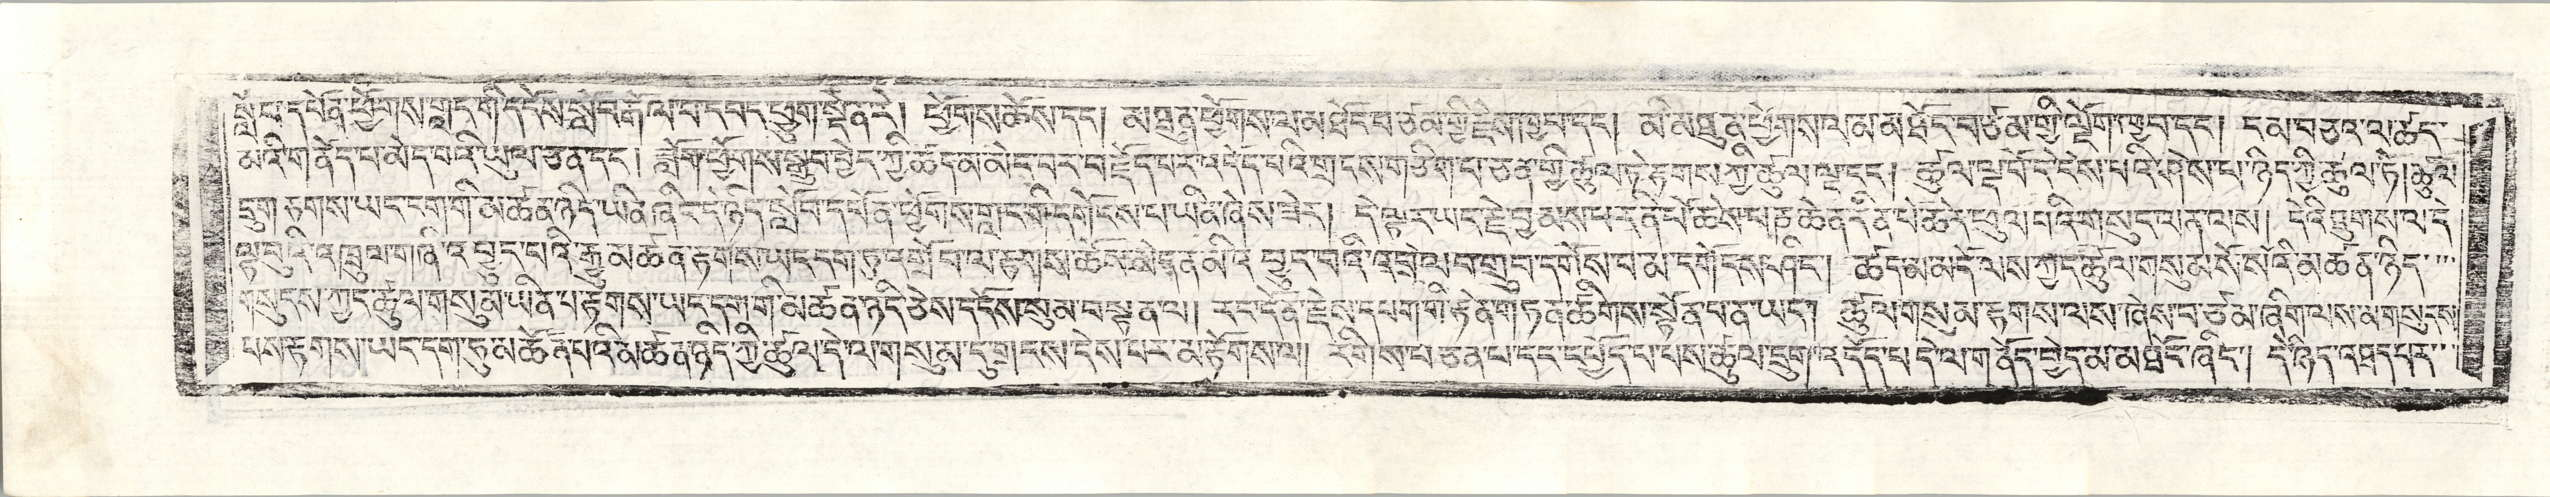སློབ་དཔོན་ཕྱོགས་གླང་གི་དངོས་སློབ་རྒོལ་བ་དབང་ཕྱུག་སྡེ་ན་རེ། ཕྱོགས་ཆོས་དང་། མཐུན་ཕྱོགས་ལ་མཐོང་བ་ཙམ་གྱི་རྗེས་ཁྱབ་དང་། མི་མཐུན་ཕྱོགས་ལ་མ་མཐོང་བ་ཙམ་གྱི་ལྡོག་ཁྱབ་དང་། དམ་བཅའ་ལ་ཚད་
མའི་གནོད་པ་མེད་པའི་ཡུལ་ཅན་དང་། ཟློག་ཕྱོགས་སྒྲུབ་བྱེད་ཀྱི་ཚད་མ་མེད་པར་བརྗོད་པར་འདོད་པའི་གྲངས་གཅིག་པ་ཅན་གྱི་ཚུལ་ཏེ་རྟགས་ཀྱི་ཚུལ་ལྔ་དང་། ཚུལ་ལྔ་བོ་དེ་ངེས་པའི་ཤེས་པ་ཉིད་ཀྱི་ཚུལ་ཏེ། ཚུལ་
དྲུག་རྟགས་ཡང་དག་གི་མཚན་ཉིད་ཡིན་ཞིང་དེ་ཉིད་སློབ་དཔོན་ཕྱོགས་གླང་གི་དགོངས་པ་ཡིན་ཞེས་ཟེར། དེ་ལྟར་ཡང་རྗེ་བྱམས་པ་རིན་པོ་ཆེས་པཎ་ཆེན་རིན་པོ་ཆེར་ཕུལ་བའི་གསུང་ལན་ལས། དེའི་ཐུགས་ལ་དེ་
ལྟ་བུའི་འཁྲུལ་གཞི་འབྱུང་བའི་རྒྱུ་མཚན་རྟགས་ཡང་དག་ཏུ་འགྲོ་བ་ལ་རྟགས་ཆོས་མེད་ན་མི་འབྱུང་བའི་འབྲེལ་བ་གྲུབ་དགོས་པ་མ་དགོངས་ཤིང་། ཚད་མ་མདོ་ལས་ཀྱང་ཚུལ་གསུམ་སོ་སོའི་མཚན་ཉིད་
གསུངས་ཀྱང་ཚུལ་གསུམ་ཡིན་པ་རྟགས་ཡང་དག་གི་མཚན་ཉིད་ཅེས་དངོས་སུ་བསྟན་ལ། རང་དོན་རྗེས་དཔག་གི་རྟེན་གཏན་ཚིགས་སྟོན་པ་ན་ཡང་། ཚུལ་གསུམ་རྟགས་ལས་ཞེས་པ་ཙམ་ཞིག་ལས་མ་གསུངས་
པས་རྟགས་ཡང་དག་ཏུ་མཚོན་པའི་མཚན་ཉིད་ཀྱི་ཚུལ་དེ་ལ་གསུམ་དུ་གྲངས་ངེས་པར་མ་རྟོགས་ལ། རིགས་པ་ཅན་པ་དང་དཔྱོད་པ་བས་ཚུལ་དྲུག་འདོད་པ་དེ་ལ་གནོད་བྱེད་མ་མཐོང་ཞིང་། དེ་ཉིད་འཐད་པར་